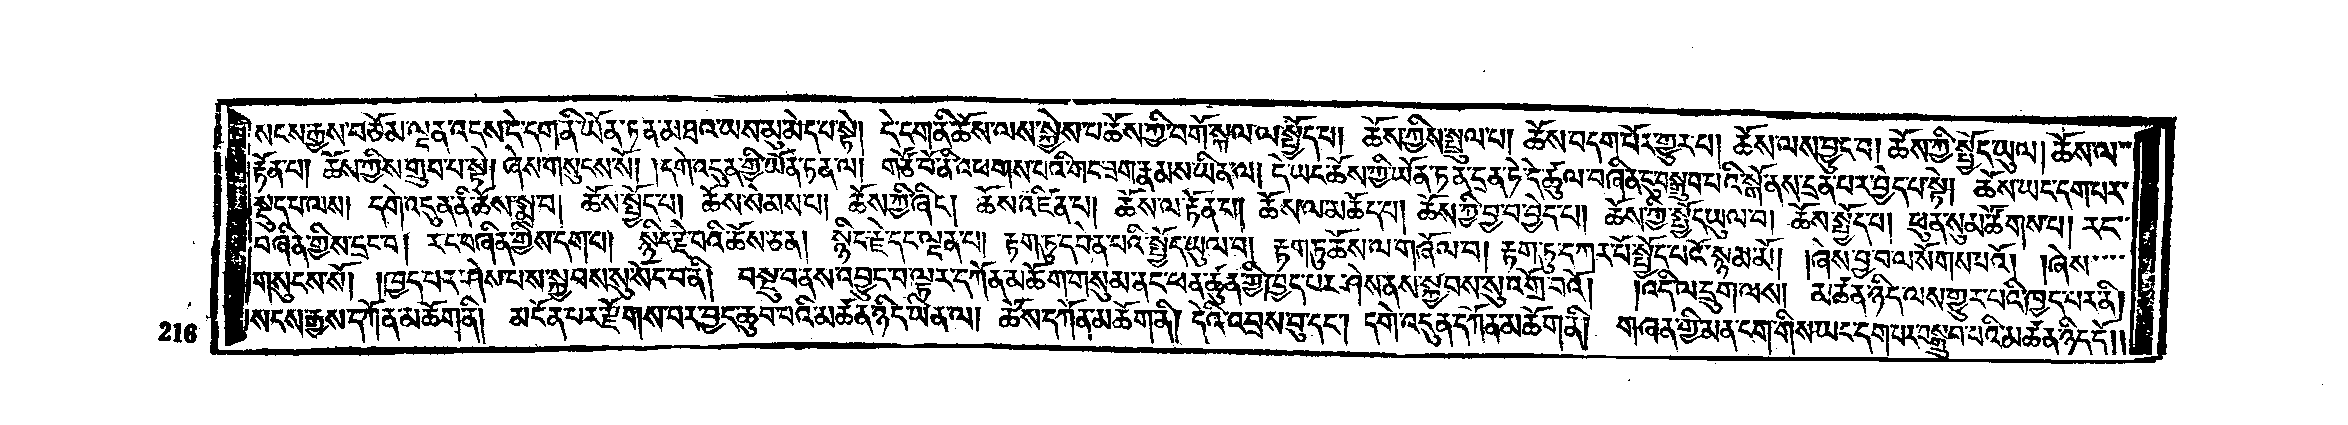སངས་རྒྱས་བཅོམ་ལྡན་འདས་དེ་དག་ནི་ཡོན་ཏན་མཐའ་ཡས་མུ་མེད་པ་སྟེ། དེ་དག་ནི་ཆོས་ལས་སྐྱེས་པ་ཆོས་ཀྱི་བགོ་སྐལ་ལ་སྤྱོད་པ། ཆོས་ཀྱིས་སྤྲུལ་པ། ཆོས་བདག་པོར་གྱུར་པ། ཆོས་ལས་བྱུང་བ། ཆོས་ཀྱི་སྤྱོད་ཡུལ། ཆོས་ལ་
རྟོན་པ། ཆོས་ཀྱིས་གྲུབ་པ་སྟེ། ཞེས་གསུངས་སོ། །དགེ་འདུན་གྱི་ཡོན་ཏན་ལ། གཙོ་བོ་ནི་འཕགས་པའི་གང་ཟག་རྣམས་ཡིན་ལ། དེ་ཡང་ཆོས་ཀྱི་ཡོན་ཏན་དྲན་ཏེ་དེ་ཚུལ་བཞིན་དུ་བསྒྲུབ་པའི་སྒོ་ནས་དྲན་པར་བྱེད་པ་སྟེ། ཆོས་ཡང་དག་པར་
སྡུད་པ་ལས། དགེ་འདུན་ནི་ཆོས་སྨྲ་བ། ཆོས་སྤྱོད་པ། ཆོས་སེམས་པ། ཆོས་ཀྱི་ཞིང་། ཆོས་འཛིན་པ། ཆོས་ལ་རྟོན་པ། ཆོས་ལ་མཆོད་པ། ཆོས་ཀྱི་བྱ་བ་བྱེད་པ། ཆོས་ཀྱི་སྤྱོད་ཡུལ་བ། ཆོས་སྤྱོད་པ། ཕུན་སུམ་ཚོགས་པ། རང་
བཞིན་གྱིས་དྲང་བ། རང་བཞིན་གྱིས་དག་པ། སྙིང་རྗེ་བའི་ཆོས་ཅན། སྙིང་རྗེ་དང་ལྡན་པ། རྟག་ཏུ་དབེན་པའི་སྤྱོད་ཡུལ་བ། རྟག་ཏུ་ཆོས་ལ་གཞོལ་བ། རྟག་ཏུ་དཀར་པོ་སྤྱོད་པའོ་སྙམ་མོ། །ཞེས་བྱ་བ་ལ་སོགས་པའོ། །ཞེས་
གསུངས་སོ། །ཁྱད་པར་ཤེས་པས་སྐྱབས་སུ་སོང་བ་ནི། བསྡུ་བ་ནས་འབྱུང་བ་ལྟར་དཀོན་མཆོག་གསུམ་ནང་ཕན་ཚུན་གྱི་ཁྱད་པར་ཤེས་ནས་སྐྱབས་སུ་འགྲོ་བའོ། །འདི་ལ་དྲུག་ལས། མཚན་ཉིད་ལས་གྱུར་པའི་ཁྱད་པར་ནི།
སངས་རྒྱས་དཀོན་མཆོག་ནི། མངོན་པར་རྫོགས་པར་བྱང་ཆུབ་པའི་མཚན་ཉིད་ཡིན་ལ། ཆོས་དཀོན་མཆོག་ནི། དེའི་འབྲས་བུ་དང་། དགེ་འདུན་དཀོན་མཆོག་ནི། གཞན་གྱི་མན་ངག་གིས་ཡང་དག་པར་བསྒྲུབ་པའི་མཚན་ཉིད་དོ། །